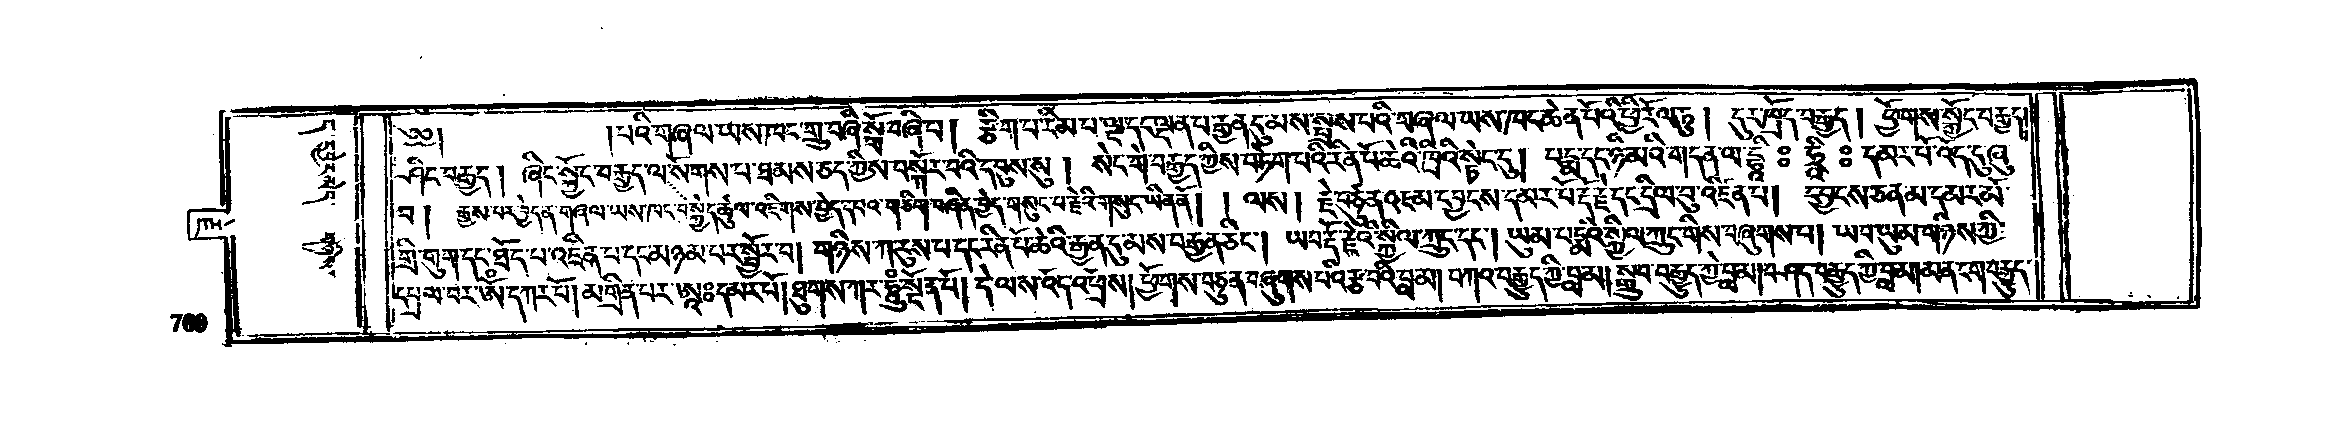༄༅། །པའི་གཞལ་ཡས་ཁང་གྲུ་བཞི་སྒོ་བཞི་པ། རྩིག་པ་རིམ་པ་ལྔ་དང་ལྡན་པ་རྒྱན་དུ་མས་སྤྲས་པའི་གཞལ་ཡས་ཁང་ཆེན་པོའི་ཕྱི་རོལ་ཏུ། དུར་ཁྲོད་བརྒྱད། ཕྱོགས་སྐྱོང་བརྒྱད། ཤིང་བརྒྱད། ཞིང་སྐྱོང་བརྒྱད་ལ་སོགས་པ་ཐམས་ཅད་ཀྱིས་བསྐོར་བའི་དབུས་སུ། སེང་གེ་བརྒྱད་ཀྱིས་བཏེག་པའི་རིན་པོ་ཆེའི་ཁྲིའི་སྟེང་དུ། པདམ་དང་ཉི་མའི་གདན་ལ་དྷཱིཿ ཧྲཱིཿ དམར་པོ་འོད་དུ་ཞུ་
བ། རྒྱས་པར་བྱེད་ན་གཞལ་ཡས་ཁང་བསྐྱེད་ཚུལ་འཇིགས་བྱེད་དཔའ་གཅིག་བཞིན་བྱེད་གསུང་པ་རྗེའི་གསུང་ཡིན་ནོ།  ལས། རྗེ་བཙུན་འཇམ་དབྱངས་དམར་པོ་རྡོ་རྗེ་དང་དྲིལ་བུ་འཛིན་པ། དབྱངས་ཅན་མ་དམར་མོ་
གྲི་གུག་དང་ཐོད་པ་འཛིན་པ་དང་མཉམ་པར་སྦྱོར་བ། གཉིས་ཀ་རུས་པ་དང་རིན་པོ་ཆེའི་རྒྱན་དུ་མས་བརྒྱན་ཅིང་། ཡབ་རྡོ་རྗེའི་སྐྱིལ་ཀྲུང་དང་། ཡུམ་པདམའི་སྐྱིལ་ཀྲུང་གིས་བཞུགས་པ། ཡབ་ཡུམ་གཉིས་ཀྱི་
དཔྲལ་བར་ཨོཾ་དཀར་པོ། མགྲིན་པར་ཨཱཿ དམར་པོ། ཐུགས་ཀར་ཧཱུཾ་སྔོན་པོ། དེ་ལས་འོད་འཕྲོས། ཕྱོགས་བཅུ་ན་བཞུགས་པའི་རྩ་བའི་བླ་མ། བཀའ་བརྒྱུད་ཀྱི་བླ་མ། སྒྲུབ་བརྒྱུད་ཀྱི་བླ་མ། བཤད་བརྒྱུད་ཀྱི་བླ་མ། མན་ངག་བརྒྱུད་